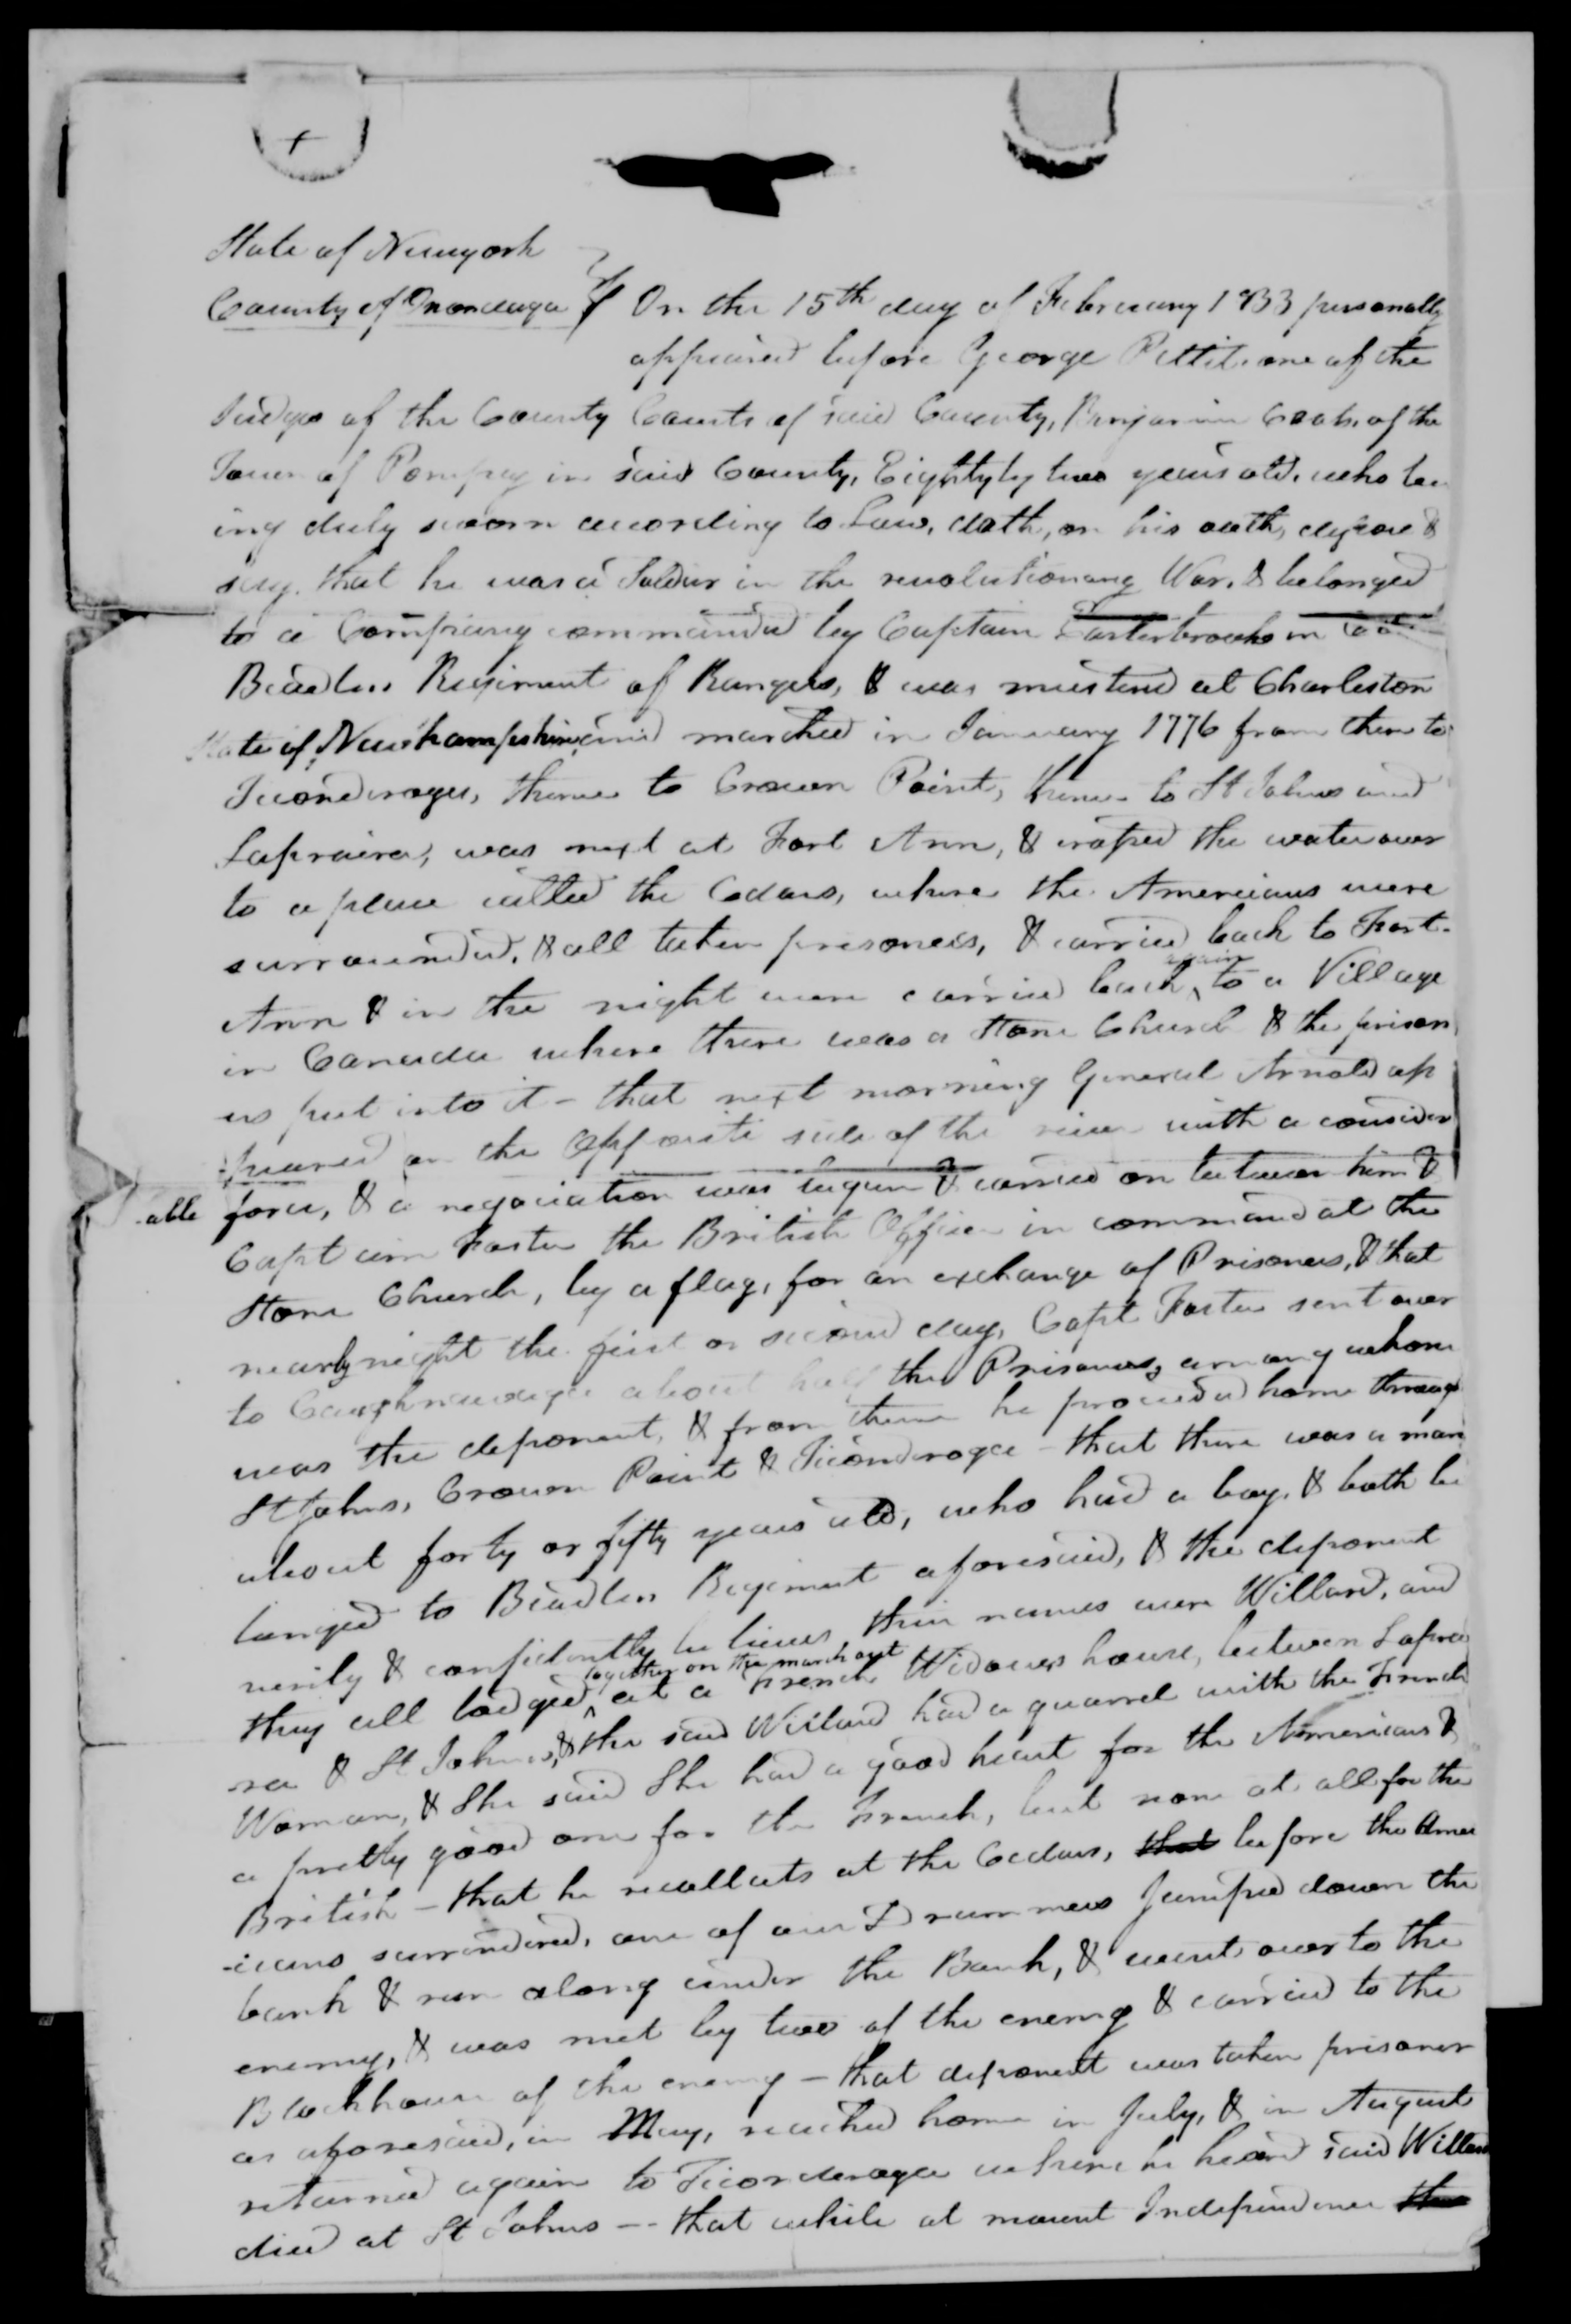State of New York
County of Onondaga on the 15th day of February 1833 personally
appeared before George Pettit, one of the
Judges of the County Courts of said County, Benjamin Coat of the
Town of Pompey in said County, Eighty two years and who being duly sworn according to law, doth, on his oath, depose &
say that he was a soldier in the revolutionary War, & belonged
to a company commanded by Captain Easterbrock in
Bedell Regiment of Rangers, & was mustered at Charleston
late of Newhampshire line marched in January 1776 from there to Ticonderoga, thence to Crown Point, them to St Johns and
Lapraira, was next at Fort Ann, & [illegible] the water over
to a place called the collars, where the Americans were
surrounded, & all taken prisoners, & carried back to Fort
Ann & in the night were carried to a Village
in Canada ere there was a stone church & the prison
us put into it-- that next morning General Arnold
appeared on the opposite side of the river with a consider
force, & in negotiation was begun to carried on him &
Captain Foster the British Office in command at the
Stone Church, by a flay, for an exchange of Prisoners, & that
nearly night the first or second day Capt Porter sent over
to County about the Prisoner among whom
was the deponent, & from them he proceeded home three
John Brown Point & Ticonderoga that there was a man
about forty or fifty part who had a day, & both be
longed to Beadles Regiment aforesaid, & the deponent
verily & confidently be lines, their names were Willard, and
they all widows house between
& the said William had a quarrel with the French
Woman, & the said he had a good hit for the Americans &
pretty good and for the much, but now at all for the
that he calls at the Colors, before the
is surrendered, one of our [illegible] down the
bank & her along under the Bank, & went over to the
enemy & was met by two of the enemy & carried to the
house of the money that deponent was taken prisoner
as aforesaid, in May, reached home in July & in August
returned again to Ticonderoga where he heard said William
died at St Johns that while at mount Independence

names: Willard, Easterbrook, Foster, George Pettil, Arnold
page: 15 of 18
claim: survivor's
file: S. 11848, John Willard, N. H.